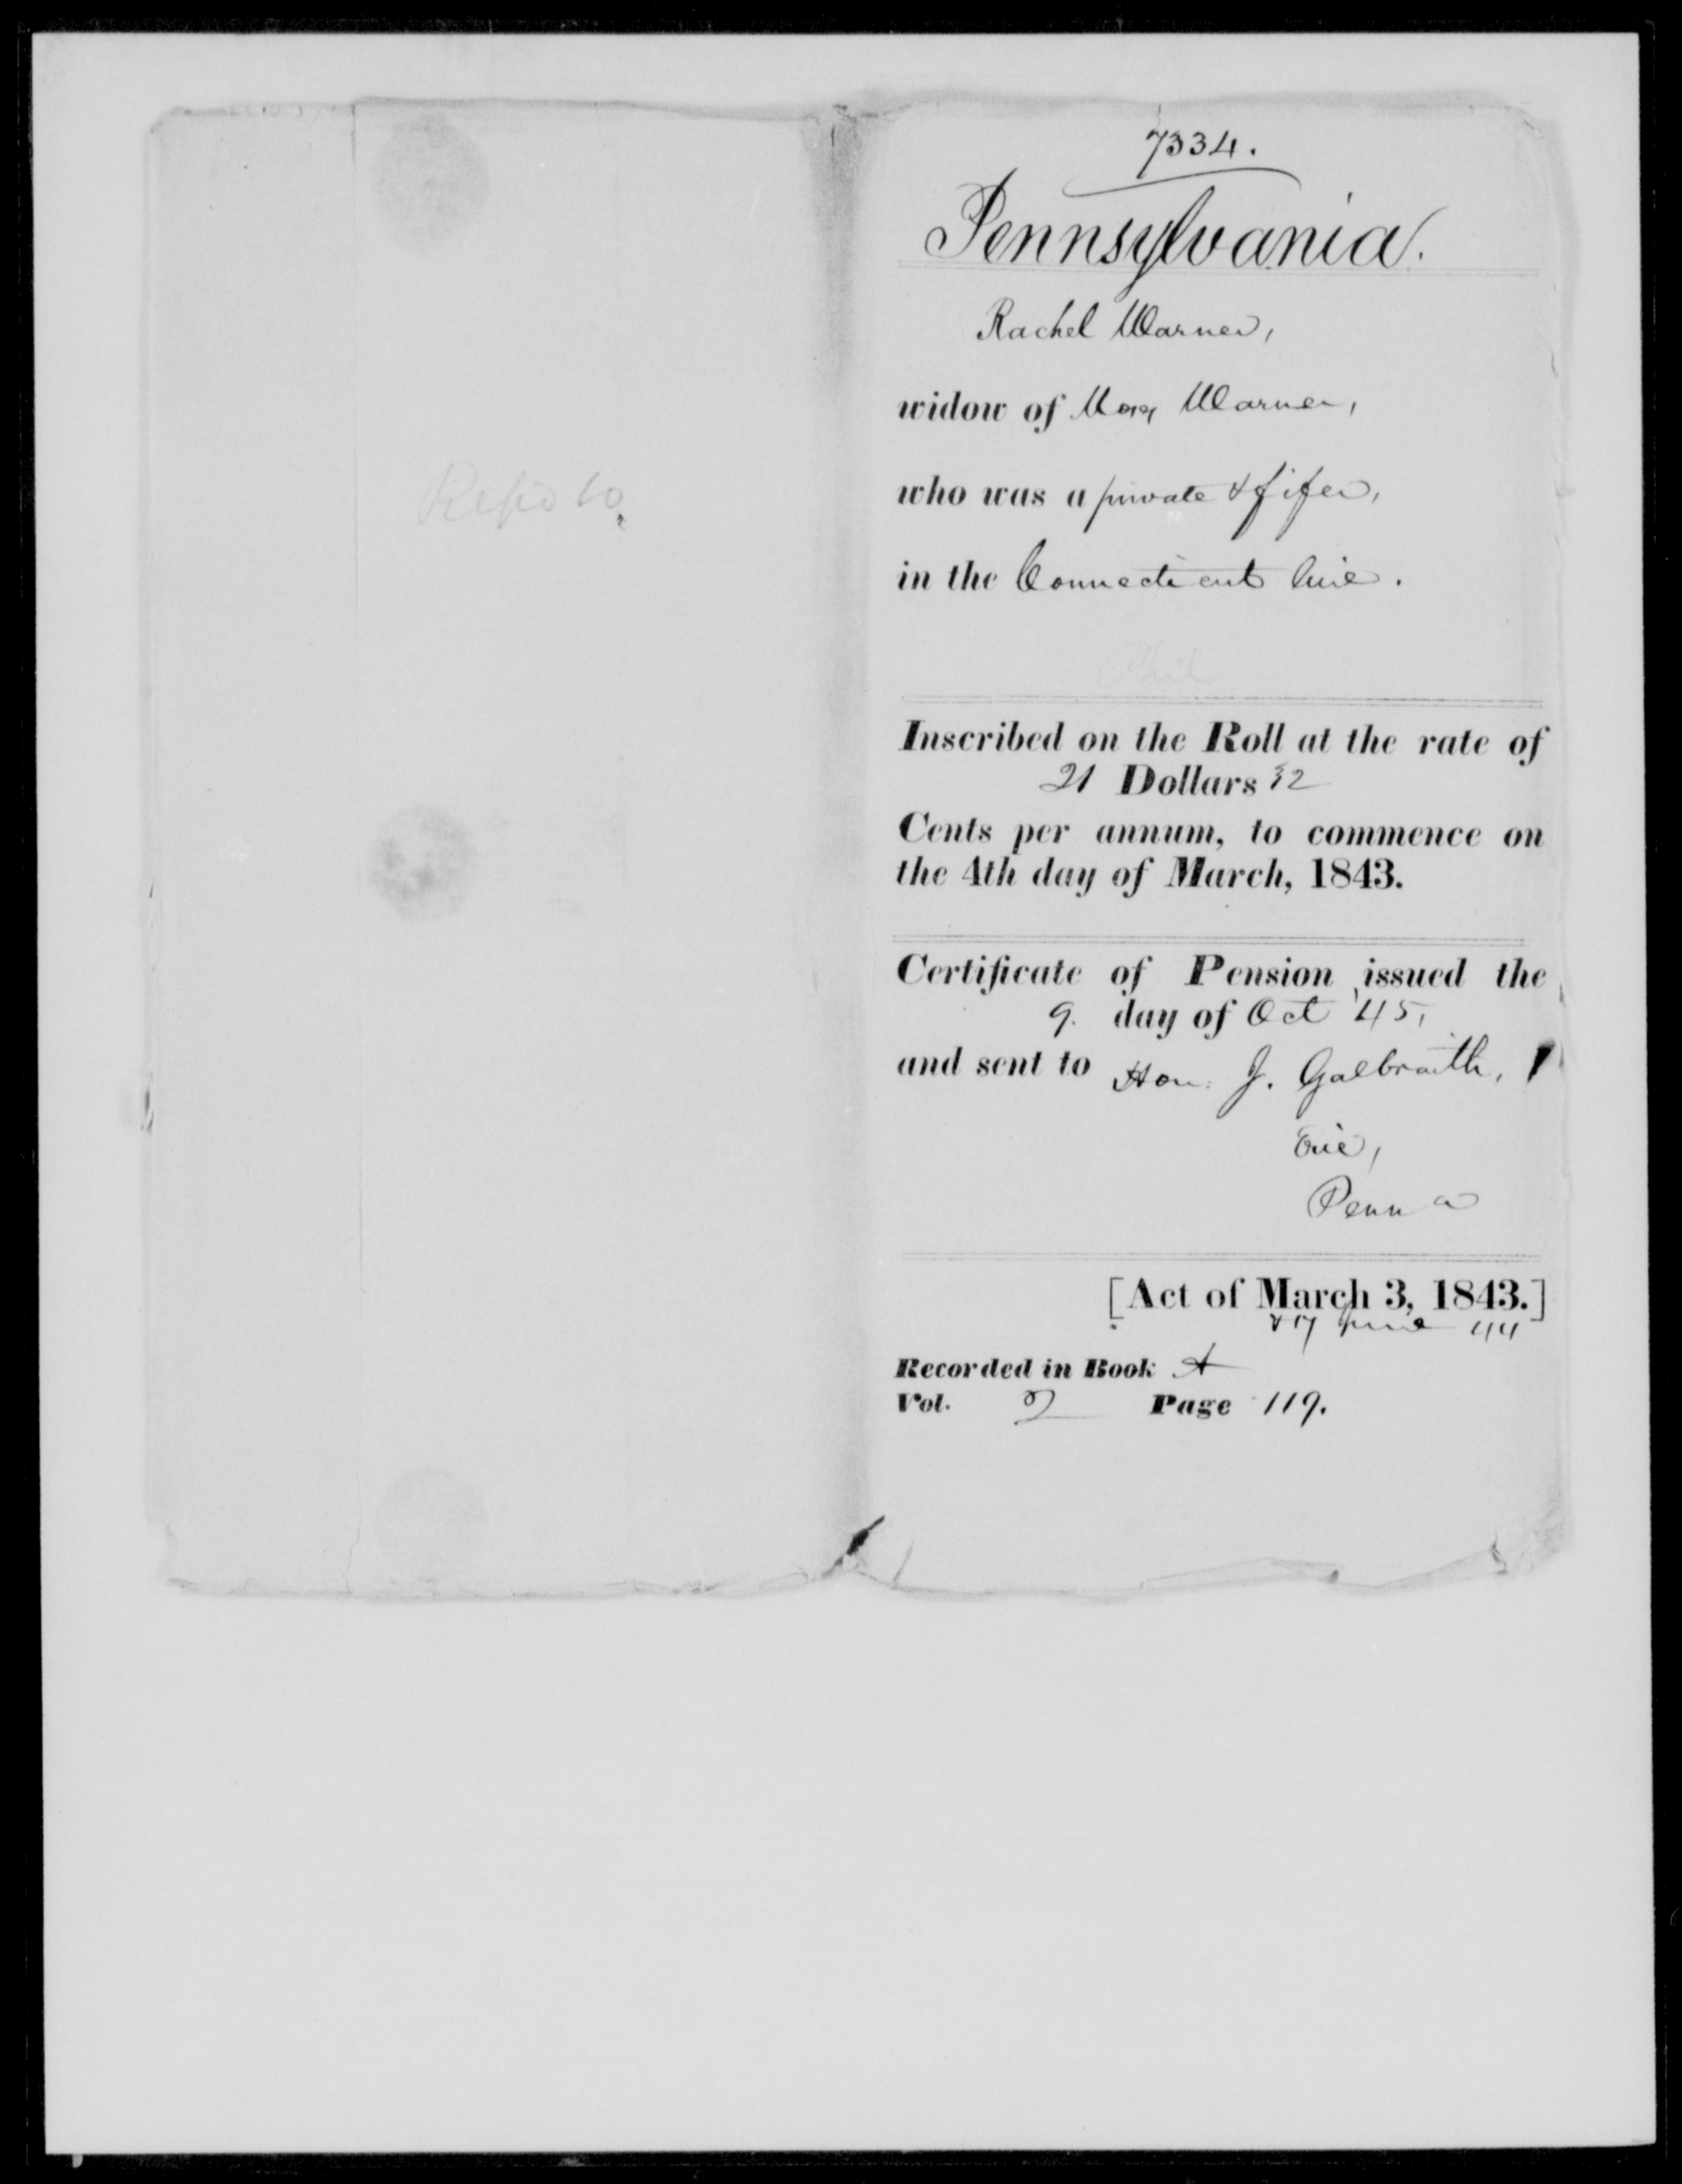7334.
-------
Pennsylvania.
-------------------------------------------------
Rachel Warner,
widow of Moses Warner,
who was a private & officer,
in the Connecticut line.
-------------------------------------------------
Inscribed on the Roll at the rate 
of 21 Dollars  32 
Cents per annum, to commence on 
the 4th day of March, 1843
---------------------------------------------------
Certificate of Pension issued the 
9 day of Oct '45,
and sent to
 Hon. J Galbraith,
Erie,
Penna
---------------------------------------------------
[Act of March 3, 1843.]
[& 7 June 44]

Recorded in Book A
Vol. 2    Page 119.

Repo. to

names: Moses Warner, J Galbraith, Rachel Warner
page: 32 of 40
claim: widow's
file: W. 3742, Moses Warner, Conn.